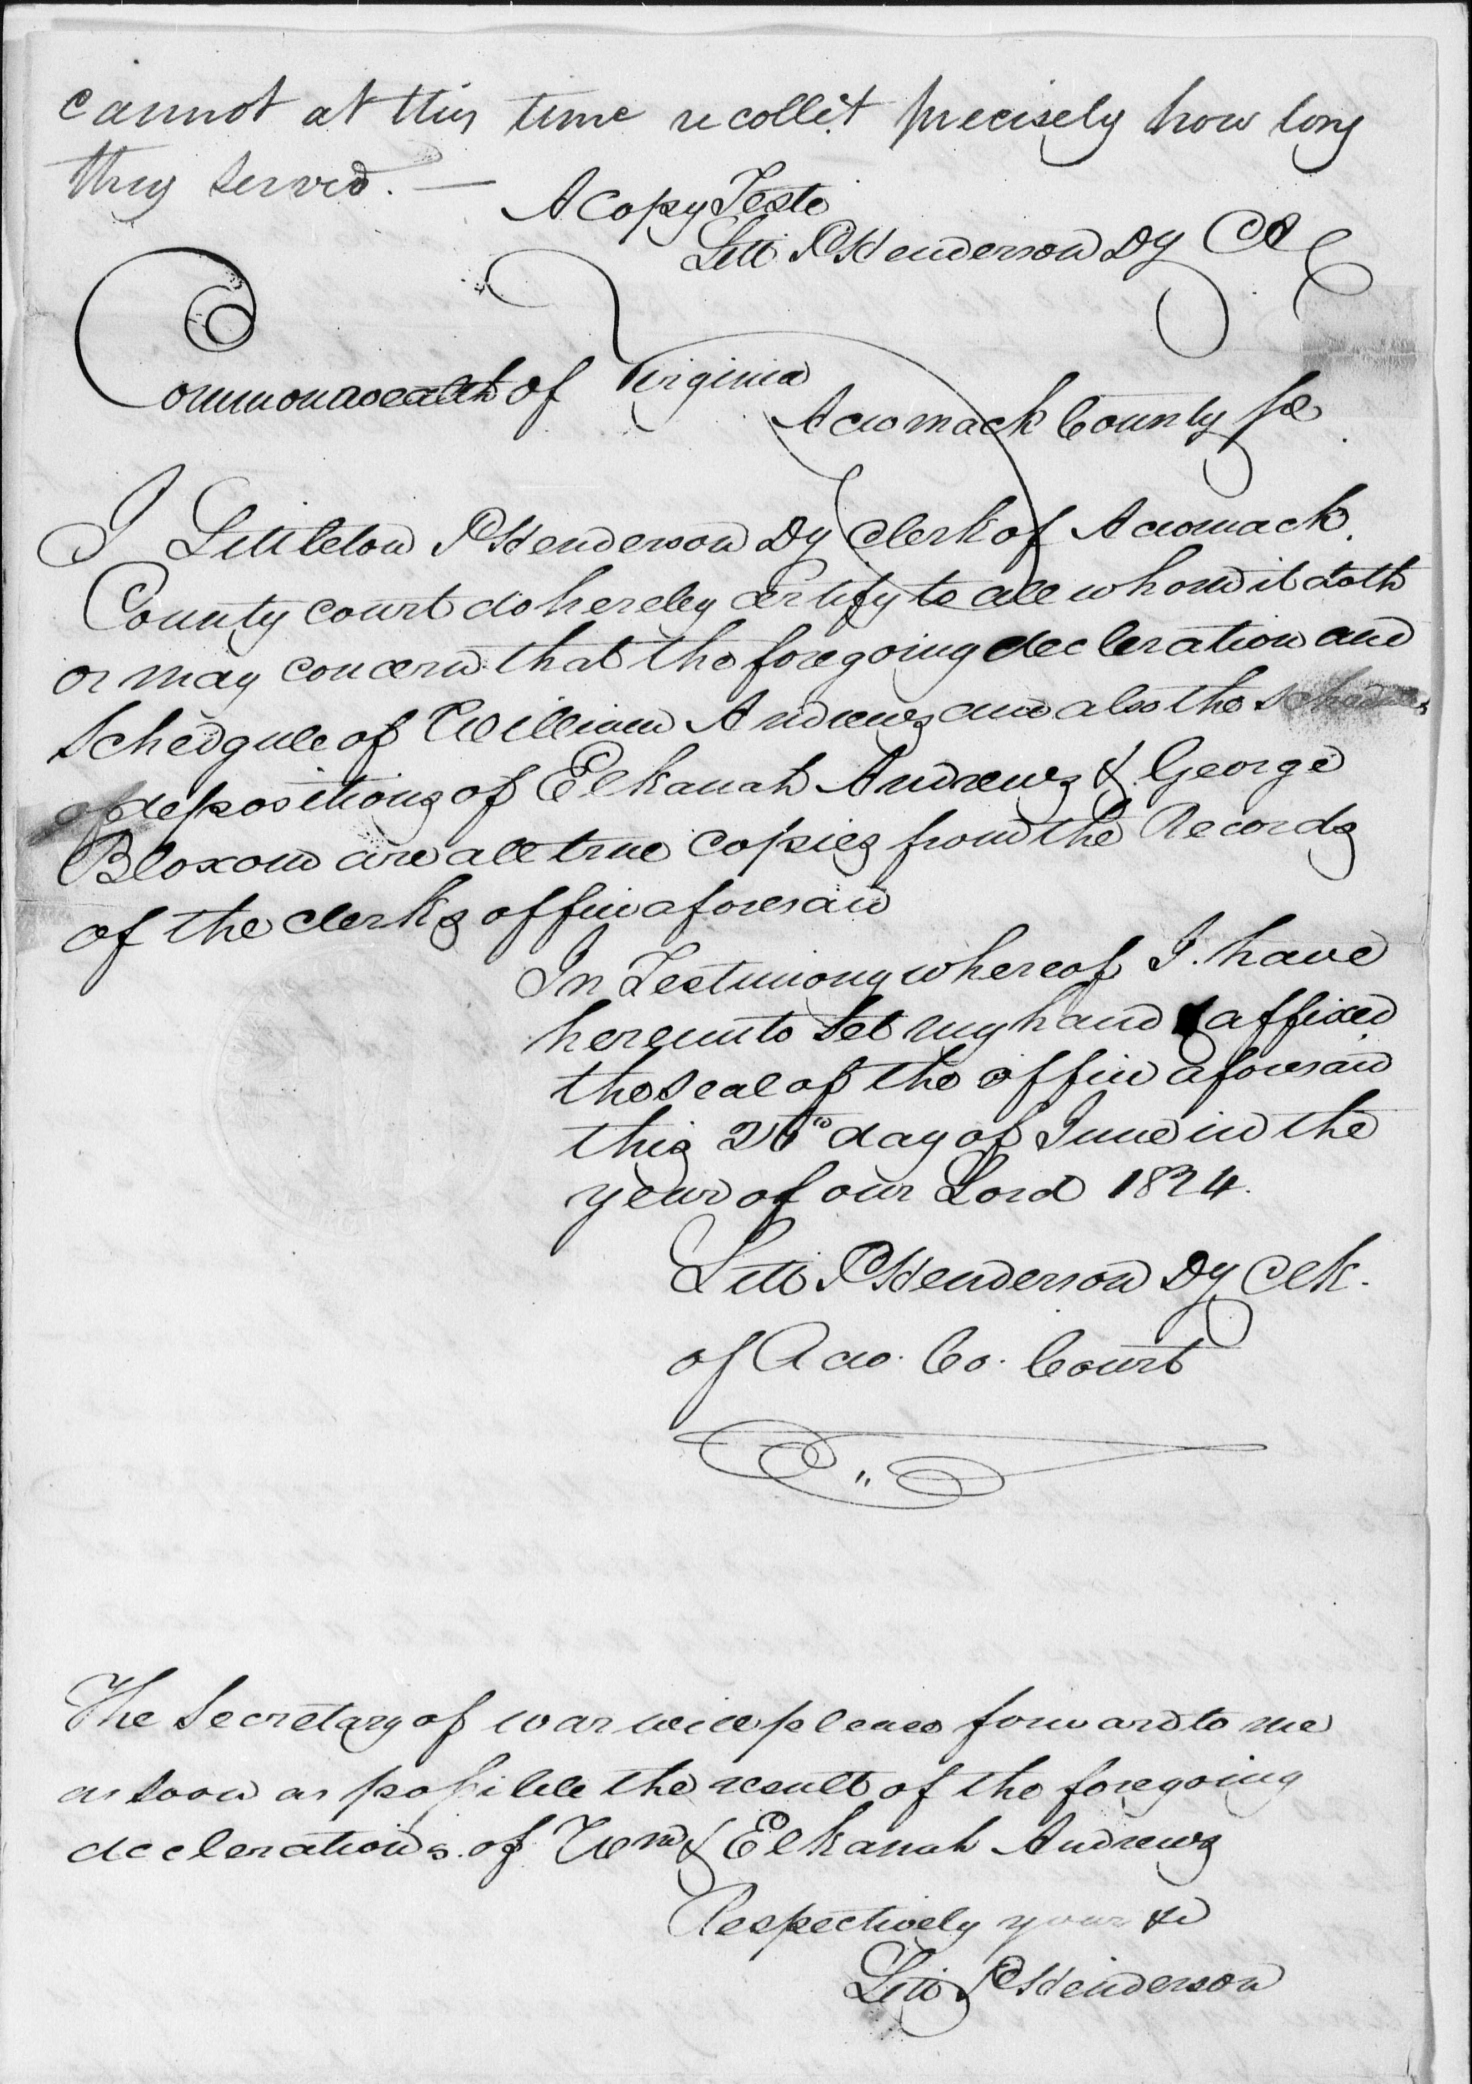cannot at this time recollect precisely how long they served.
A Copy Teste
Litt. P. Henderson DL DC

Commonwealth of Virginia
Accomack County for,
I Littleton P. Henderson Dy Clerk of Accomack County court do hereby certify to all whom it doth or may concerned that the foregoing declaration and Schedule of William Andrews & George Bloxom are all true copies from the Records of the Clerk's office foresaid.
In Testimony whereof I have herewith to Set my hand affixed the seal of the office aforesaid this 21st day of June in the year of our Lord 1824
Litt. P. Henderson Dy Clk.
of Acc. Co. Court

The Secretary of War (?) force and to me as soon as possible the acsult of the foregoing declarations of Widow Eskanah Andrews
Respectfully yours
Litt. P. Henderson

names: Litt P Henderson, William Andrews, Littleton P Henderson, Elkanah Andrews, Elkanah Andrews, Litt P Henderson, Litt P Henderson, George Bloxom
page: 4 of 6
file: [BLANK], William Andrews, Va. Sea Service